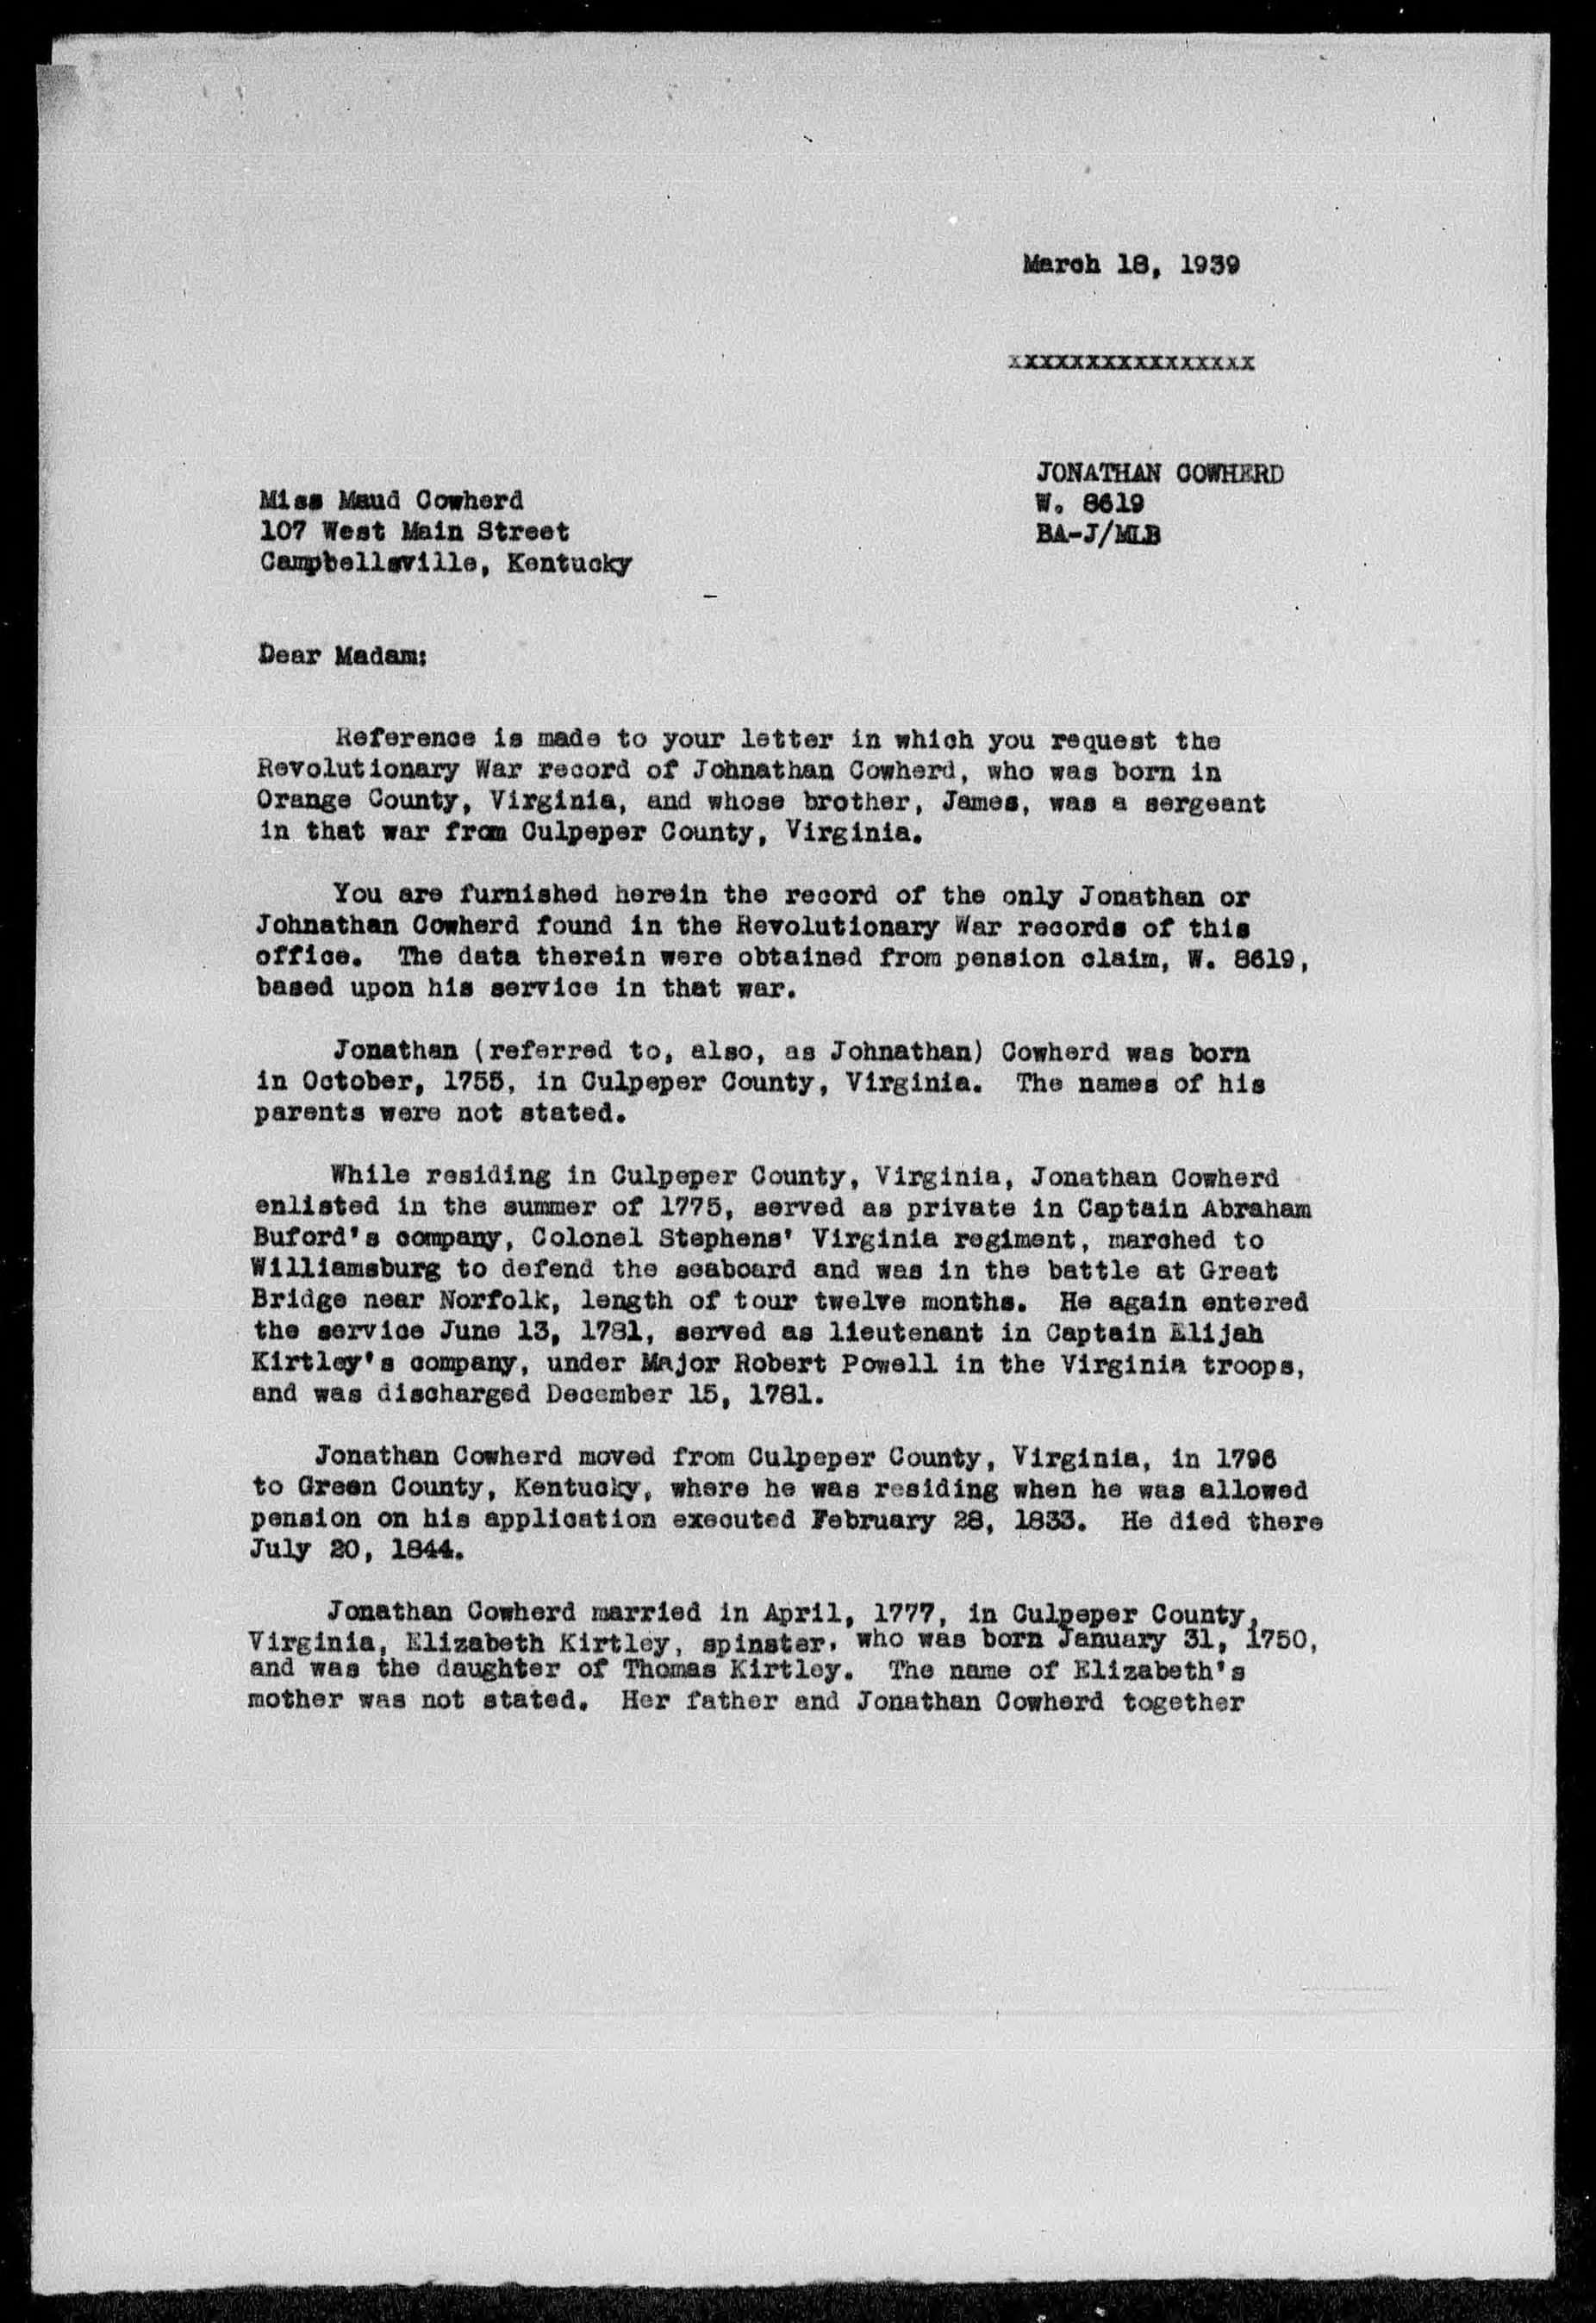March 18, 1939
XXXXXXXXXXXXXXXX
JONATHAN COWHERD
W. 8619
BA-J/MLB

Miss Maud Cowherd
107 West Main Street
Campbellsville, Kentucky

Dear Madam:

Reference is made to your letter in which you request the Revolutionary War record of Johnathan Cowherd, who was born in Orange County, Virginia, and whose brother, James, was a sergeant in that war from Culpeper County, Virginia.
You are furnished herein the record of the only Jonathan or Johnathan Cowherd found in the Revolutionary War records of this office. The data therein were obtained from pension claim, W. 8619, based upon his service in that war.
Jonathan referred to, also, as Johnathan) Cowherd was born in October, 1755, in Culpeper County, Virginia. The names of his
parents were not stated.
While residing in Culpeper County, Virginia, Jonathan Cowherd enlisted in the summer of 1775, served as private in Captain Abraham
Buford's company, Colonel Stephens' Virginia regiment, marched to Williamsburg to defend the seaboard and was in the battle at Great
Bridge near Norfolk, length of tour twelve months. He again entered the service June 13, 1781, served as lieutenant in Captain Elijah
Kirtley's company, under Major Robert Powell in the Virginia troops, and was discharged December 15, 1781.
Jonathan Cowherd moved from Culpeper County, Virginia, in 1796 to Green County, Kentucky, where he was residing when he was allowed pension on his application executed February 28, 1833. He died there July 20, 1844.
Jonathan Cowherd married in April, 1777, in Culpeper County, Virginia, Elizabeth Kirtley, spinster, who was born January 31, 1750,
and was the daughter of Thomas Kirtley. The name of Elizabeth's mother was not stated. Her father and Jonathan Cowherd together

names: Jonathan Cowherd, Jonathan Cowherd, Elizabeth Kirtley, Elizabeth, Johnathan Cowherd, Jonathan Cowherd, Robert Powell, Jonathan Cowherd, Jonathan Cowherd, Maud Cowherd, Jonathan Cowherd, Johnathan Cowherd, Jonathan Cowherd, James, Thomas Kirtley, Jonathan Cowherd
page: 36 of 46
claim: widow's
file: W 8619, Jonathan Cowherd, Va.